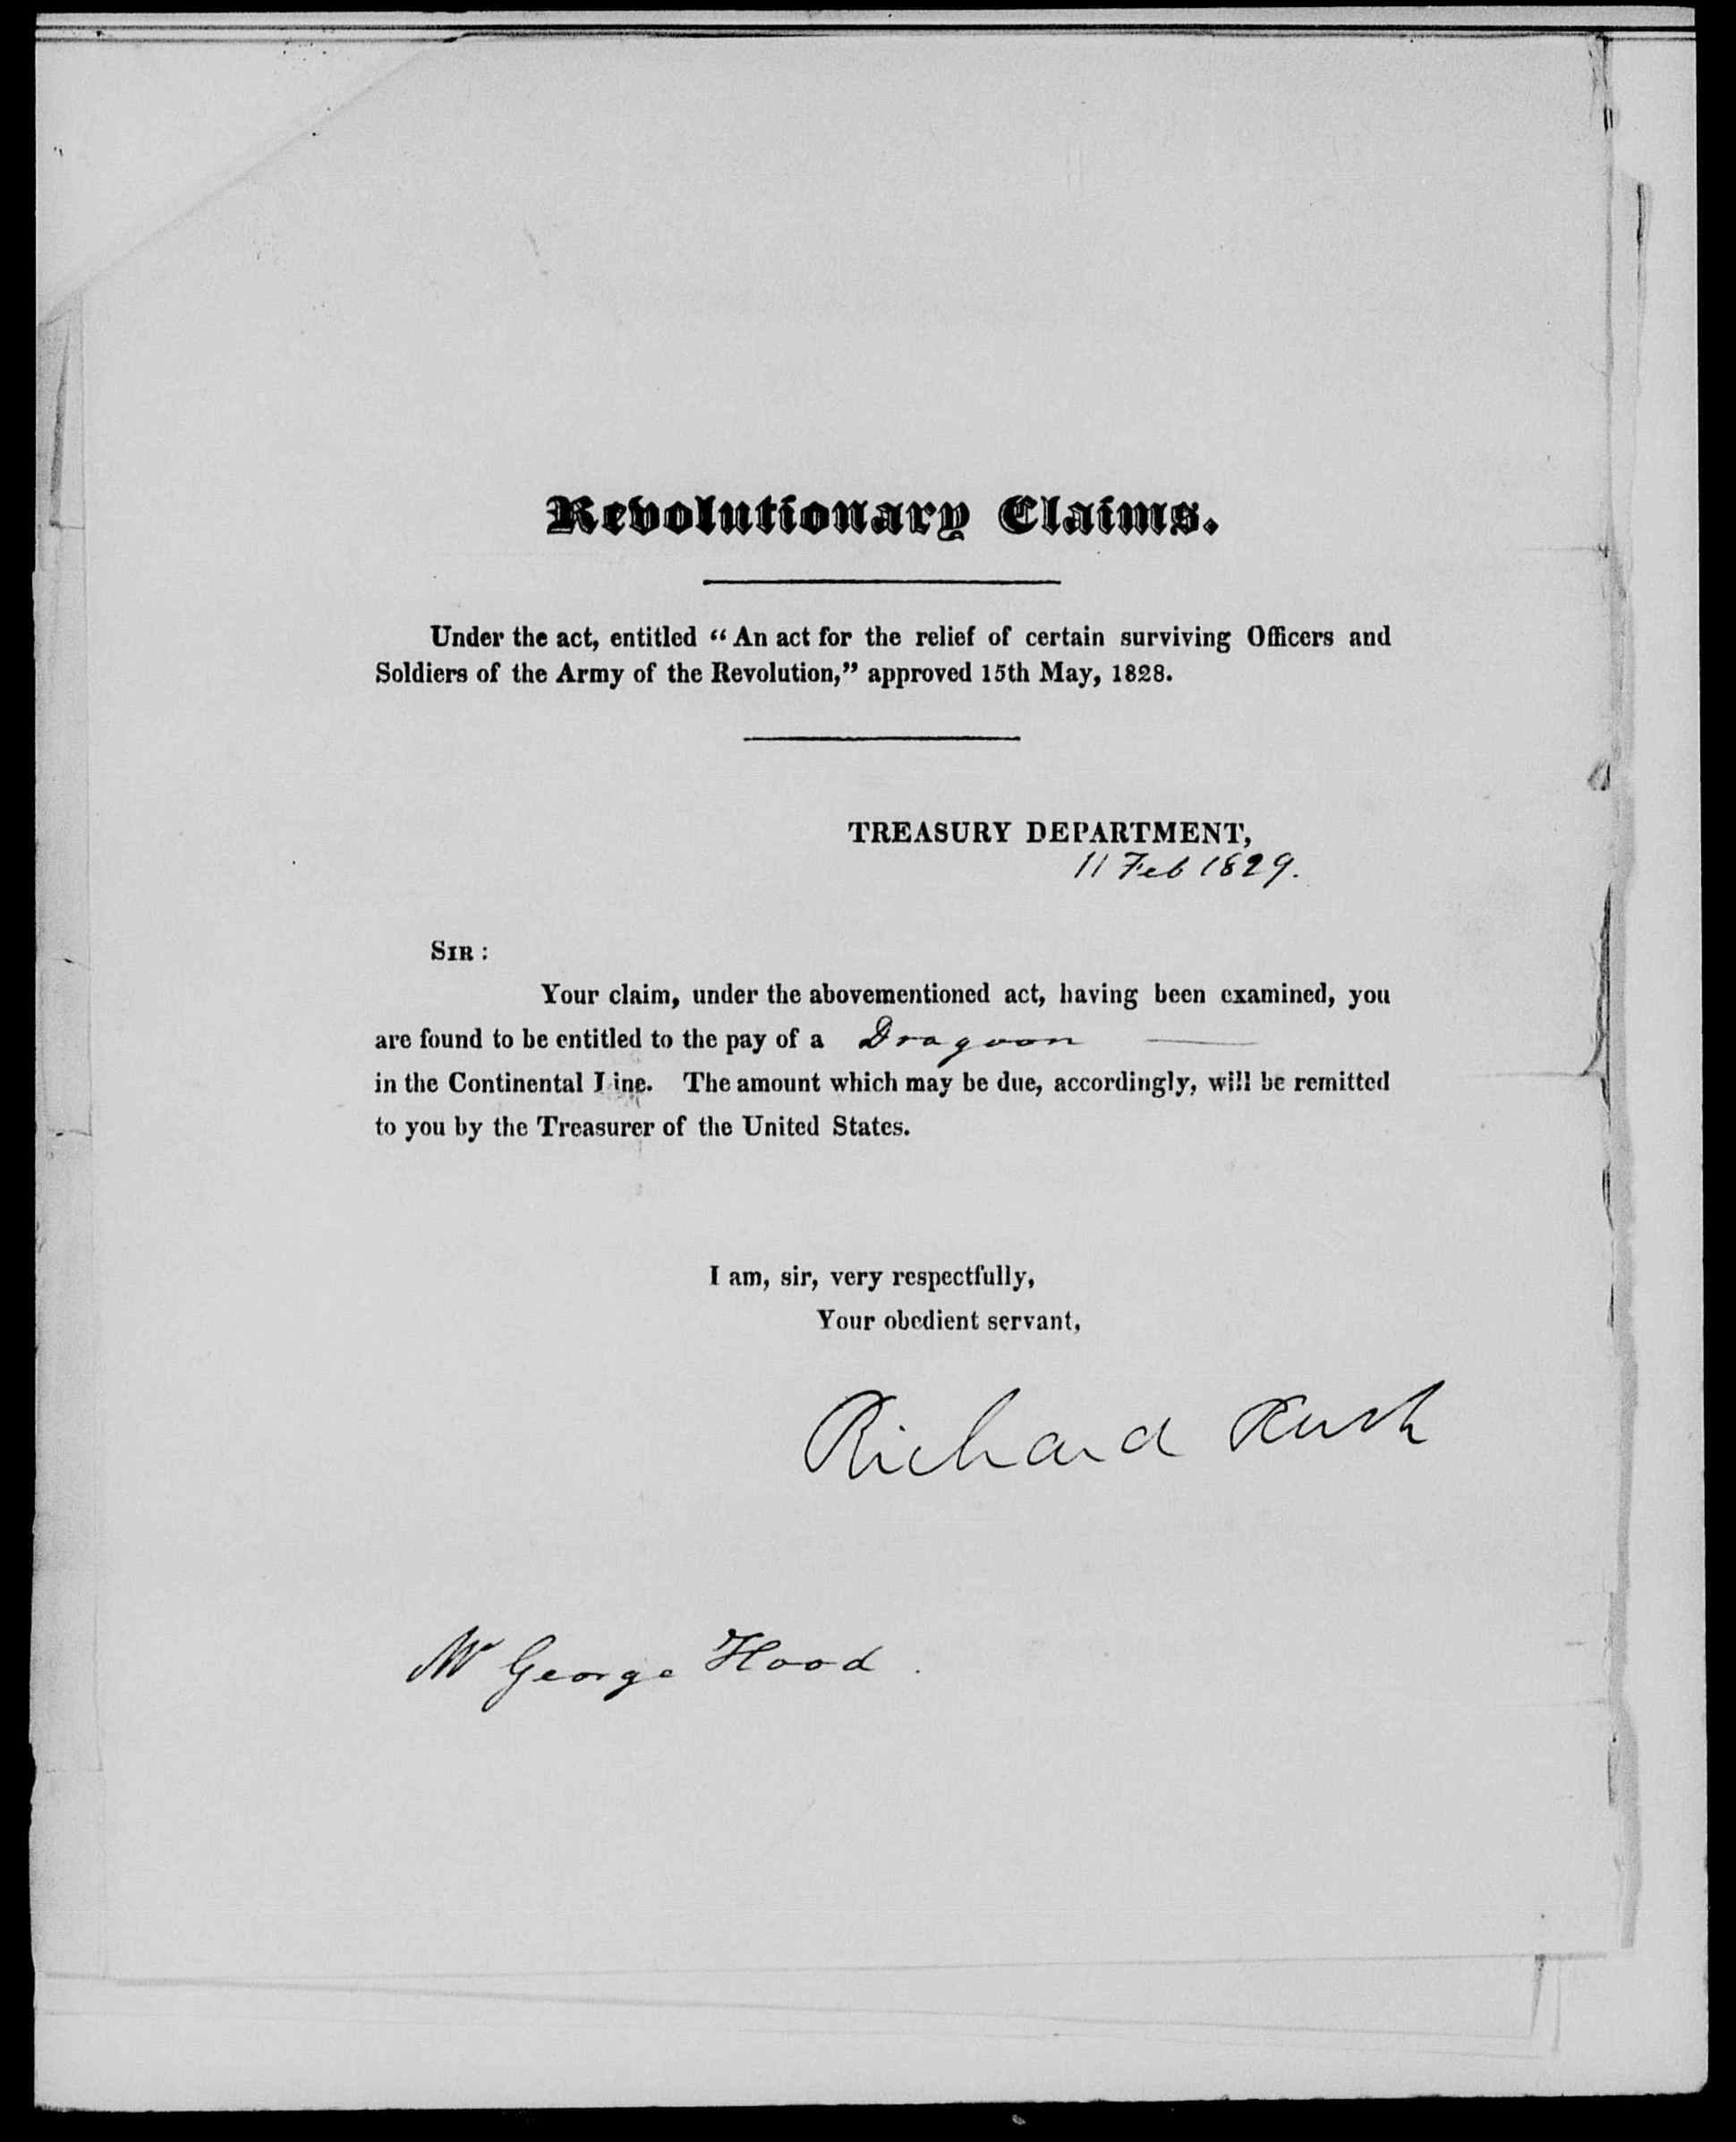Revolutionary Claims
Under the act, entitled “An Act for the Relief of Certain Surviving Officers and Soldiers of the Revolution,” approved 15th May, 1828.

Treasury Department
11 February 1829

Sir,

Your claim, under the abovementioned act, having been examined, you are found to be entitled to the pay of a Dragoon in the Continental Line. The amount which may be due, accordingly, will be remitted to you by the Treasurer of the United States.

I am sir, very respectfully, your obedient servant,
Richard Rush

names: Richard Rush, George Hood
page: 30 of 51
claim: widow's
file: W 8939, George Hood, Continental Va.